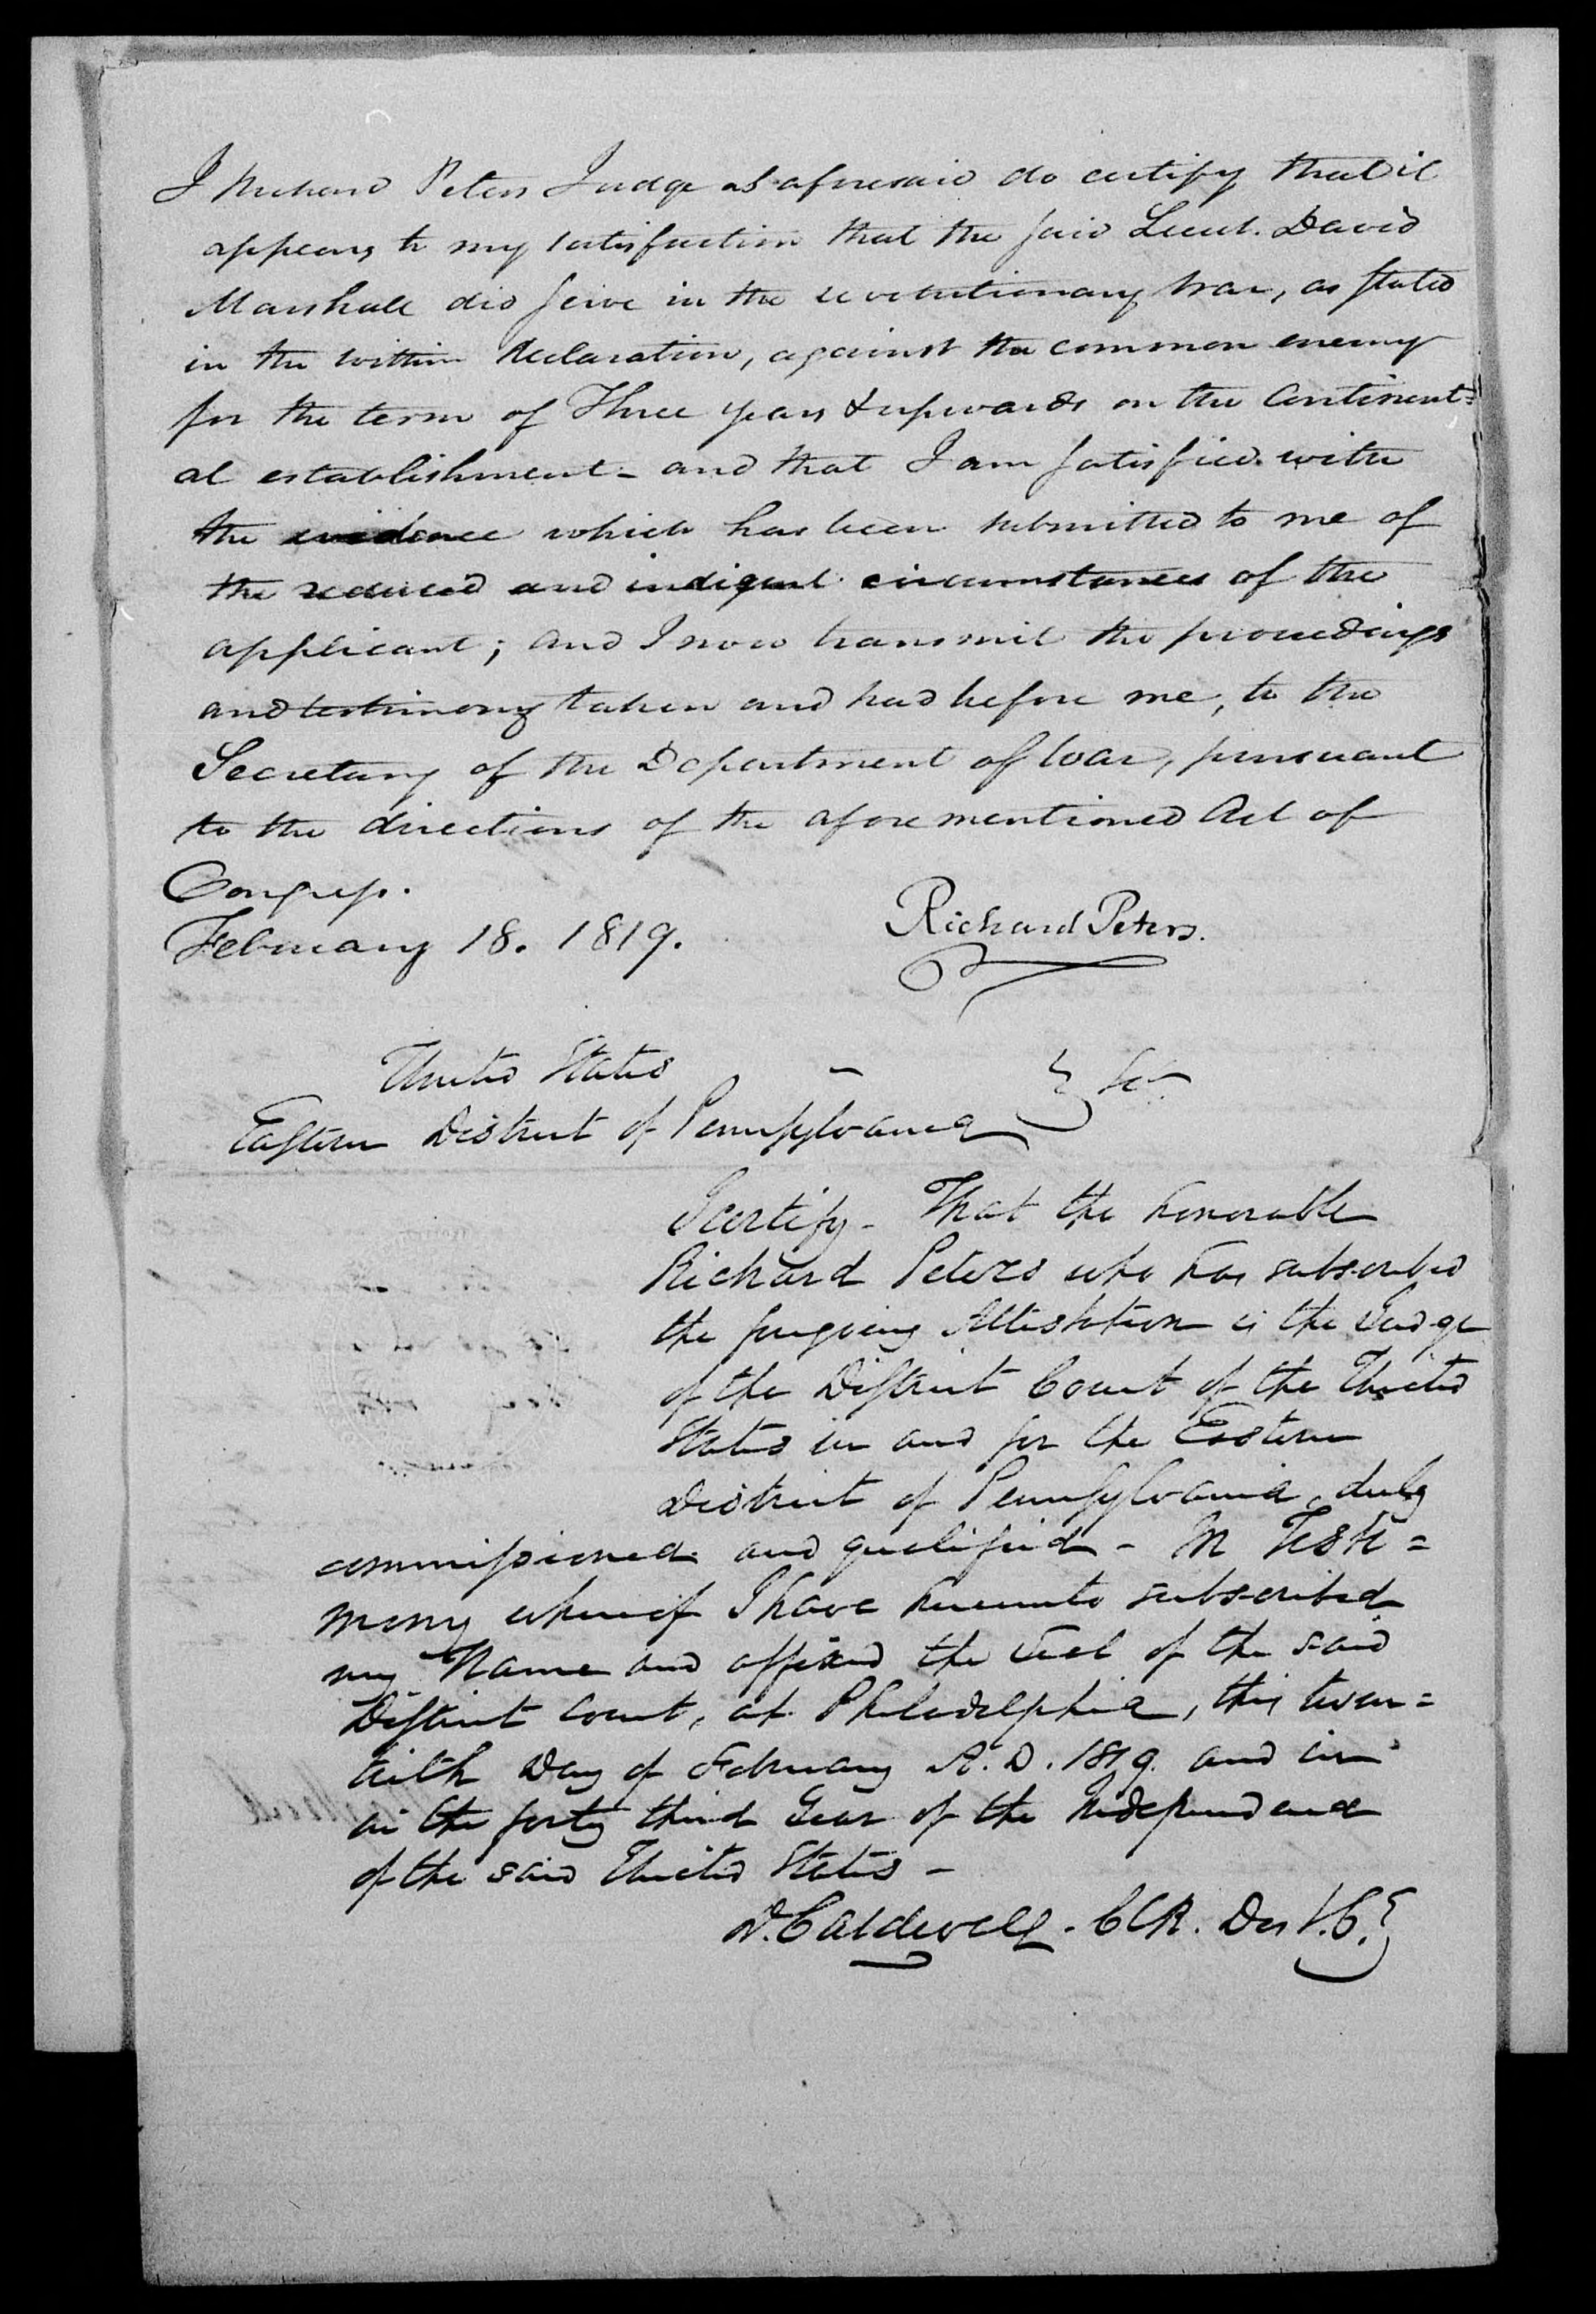I Richard Peters Judge as aforesaid do certify that it appears to my satisfaction that the fair Lieut. David Marshall did serve in the revolutionary war, as stated in the witness declaration, against the common enemy for the term of Three years & upwards on the continental establishment and that I am satisfied with the evidence which has been submitted to me of the [illegible] and indigent circumstances of the applicant; and I now transmit the proceedings and testimony taken and had before me, to the Secretary of the Department of War pursuant to the directions of the aforementioned Act of Congress.
February 18. 1819. Richard Peters [underlined]
United States
Eastern District of Pennsylvania
I certify That the honorable Richard Peters who has subscribed the foregoing [illegible] is the Judge of the District Court of the United States in and fore the Eastern District of Pennsylvania duly commisioned and qualified in Testimony whereof I have hereunto subscribed my Name and affixed the Seal of the said District Court, of Philadelphia, this twentieth Day of February A.D. 1819 and is in the forty third year of the independence and of the said United States - 
D. Caldwell - Clk. [illegible]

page: 6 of 86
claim: widow's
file: W. 3571, for David Marshall, Pennsylvania